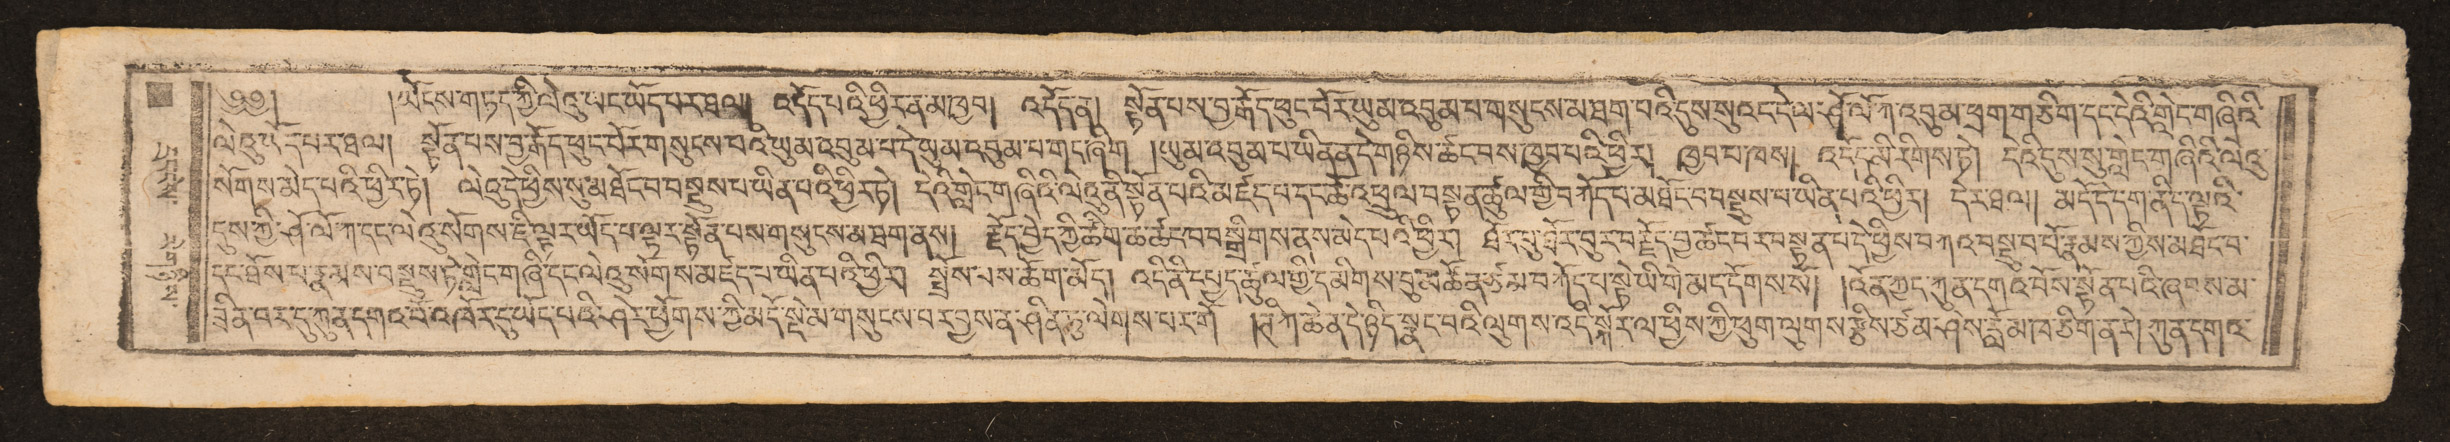༄༅། །ཡོངས་གཏད་ཀྱི་ལེའུ་ཡང་ཡོད་པར་ཐལ། འདོད་པའི་ཕྱིར་ན་མ་ཁྱབ། འདོད་ན། སྟོན་པས་བྱ་རྒོད་ཕུང་པོར་ཡུམ་འབུམ་པ་གསུངས་མ་ཐག་པའི་དུས་སུའང་དེ་ལ་ཤོ་ལོ་ཀ་འབུམ་ཕྲག་གཅིག་དང་དེའི་གླེང་གཞིའི་
ལེའུ་ཡོད་པར་ཐལ། སྟོན་པས་བྱ་རྒོད་ཕུང་པོར་གསུངས་པའི་ཡུམ་འབུམ་པ་དེ་ཡུམ་འབུམ་པ་གང་ཞིག །ཡུམ་འབུམ་པ་ཡིན་ན་དེ་གཉིས་ཚང་བས་ཁྱབ་པའི་ཕྱིར། ཁྱབ་པ་ཁས། འདོད་མི་རིགས་ཏེ། དེའི་དུས་སུ་གླེང་གཞིའི་ལེའུ་
སོགས་མེད་པའི་ཕྱིར་ཏེ། ལེའུ་དེ་ཕྱིས་སུ་མཐོང་བ་བསྡུས་པ་ཡིན་པའི་ཕྱིར་ཏེ། དེའི་གླེང་གཞིའི་ལེའུ་ནི་སྟོན་པའི་མཛད་པ་དང་ཆོ་འཕྲུལ་བསྟན་ཚུལ་གྱི་བཀོད་པ་མཐོང་བ་བསྡུས་པ་ཡིན་པའི་ཕྱིར། དེར་ཐལ། མདོ་དེ་དག་ནི་ད་ལྟའི་
དུས་ཀྱི་ཤོ་ལོ་ཀ་དང་ལེའུ་སོགས་ཇི་ལྟར་ཡོད་པ་ལྟར་སྟོན་པས་གསུངས་མ་ཐག་ནས། རྗོད་བྱེད་ཀྱི་ཚིག་ཆ་ཚང་བ་བསྒྲིགས་ནས་མེད་པའི་ཕྱིར། ཐོར་བུ་ཐོར་བུར་བརྗོད་བྱ་ཚང་བར་བསྟན་པ་དེ་ཕྱིས་བཀའ་བསྡུ་བ་པོ་རྣམས་ཀྱིས་མཐོང་བ་
དང་ཐོས་པ་རྣམས་བསྡུས་ཏེ་གླིང་གཞི་དང་ལེའུ་སོགས་མཛེད་པ་ཡིན་པའི་ཕྱིར། སྤྲོས་པས་ཆོག་མོད། འདི་ནི་དཔྱད་ཚུལ་གྱི་དམིགས་བུ་མཚོན་ཙམ་བཀོད་པ་སྟེ་ཡི་གེ་མང་དོགས་སོ། །འོན་ཀྱང་ཀུན་དགའ་བོས་སྟོན་པའི་ཞབས་མ་
ཟིན་པར་དུ་ཀུན་དགའ་བོ་འཁོར་དུ་ཡོད་པའི་ཤར་ཕྱོགས་ཀྱི་མདོ་སྡེ་མ་གསུངས་པར་བྱས་ན་ཤིན་ཏུ་ལེགས་པར་གོ །ཊིཀ་ཆེན་དེ་ཉིད་སྣང་བའི་ལུགས་འདི་སྐོར་ལ་ཕྱིས་ཀྱི་ཕུག་ལུགས་རྩིས་ཙམ་ཤེས་རློམ་ཁ་ཅིག་ན་རེ། ཀུན་དགའ་